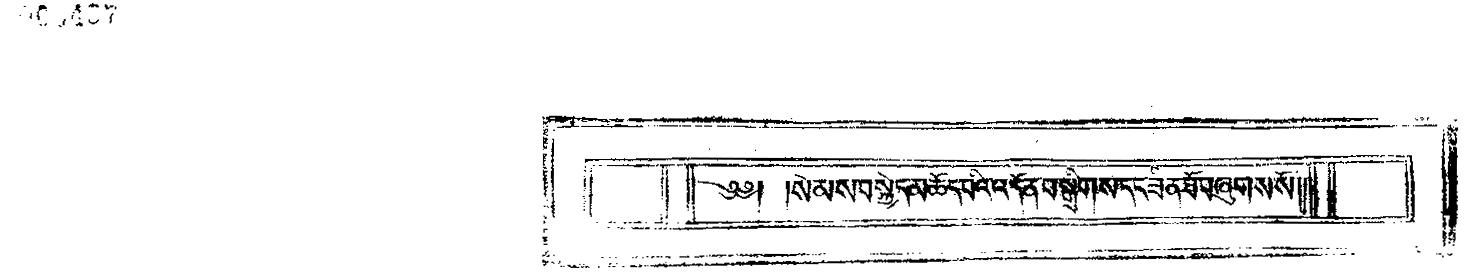༄༅། །སེམས་བསྐྱེད་མཆོད་པའི་འདོན་བསྒྲིགས་དང་ཟིན་ཐོ་བཞུགས་སོ།